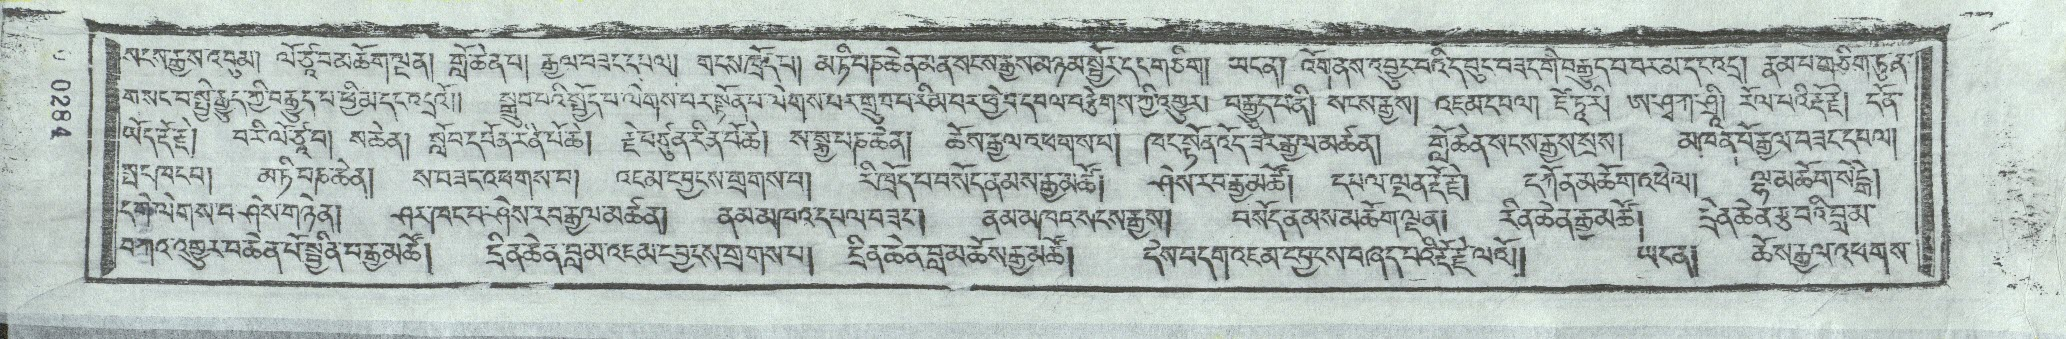སངས་རྒྱས་འབུམ། ལོ་ཙཱ་བ་མཆོག་ལྡན། གློ་ཆེན་པ། རྒྱལ་བཟང་དཔལ། གངས་ཁྲོད་པ། མ་ཏི་པཎ་ཆེན་མན་སངས་རྒྱས་མཉམ་སྦྱོར་དང་གཅིག། ཡང་ན། འོག་ནས་འབྱུང་བའི་དབུང་བཟང་གི་བརྒྱུད་པ་བར་མ་དང་འདྲ། རྣམ་པ་གཅིག་ཏུན་
གསང་བ་སྤྱི་རྒྱུད་ཀྱི་བརྒྱུད་པ་ཕྱི་མ་དང་འདྲའོ།། སྒྲུབ་པའི་སྤྱོད་པ་ལེགས་པར་སྟོན་པ་ལེགས་པར་གྲུབ་པ་རིམ་བར་ཕྱེ་བ་དཔལ་བརྩེགས་ཀྱི་འགྱུར། བརྒྱུད་པ་ནི། སངས་རྒྱས། འཇམ་དཔལ། ཛེ་ཏཱ་རི། ཨ་ཤྭ་ཀ་ཤྲཱི། རོལ་པའི་རྡོ་རྗེ། དོན་
ཡོད་རྡོ་རྗེ། བ་རི་ལོ་ཙཱ་བ། ས་ཆེན། སློབ་དཔོན་རིན་པོ་ཆེ། རྗེ་བཙུན་རིན་པོ་ཆེ། ས་སྐྱ་པཎ་ཆེན། ཆོས་རྒྱལ་འཕགས་པ། ཁང་སྟོན་འོད་ཟེར་རྒྱལ་མཚན། གློ་ཆེན་སངས་རྒྱས་སྲས། མཁན་པོ་རྒྱལ་བཟང་དཔལ།
སྤང་ཁང་བ། མ་ཏི་པཎ་ཆེན། ས་བཟང་འཕགས་བ། འཇམ་དབྱངས་གྲགས་པ། རི་ཁྲོད་པ་བསོད་ནམས་རྒྱ་མཚོ། ཤེས་རབ་རྒྱ་མཚོ། དཔལ་ལྡན་རྡོ་རྗེ། དཀོན་མཆོག་འཕེལ། ལྷ་མཆོག་སེངྒེ།
དགེ་ལེགས་བཤེས་གཉེན། ཤར་ཁང་བཤེས་རབ་རྒྱལ་མཚན། ནམ་མཁའ་དང་དཔལ་བཟང་། ནམ་མཁའ་སངས་རྒྱས། བསོད་ནམས་མཆོག་ལྡན། རིན་ཆེན་རྒྱ་མཚོ། དྲིན་ཆེན་རྩ་བའི་བླ་མ་
བཀའ་འགྱུར་བ་ཆེན་པོ་སྦྱིན་པ་རྒྱ་མཚོ། དྲིན་ཆེན་བླ་མ་འཇམ་དབྱངས་གྲགས་པ། དྲིན་ཆེན་བླ་མ་ཆོས་རྒྱ་མཚོ། དེས་བདག་འཇམ་དབྱངས་བཞད་པའི་རྡོ་རྗེ་ལའོ།། ཡང་ན། ཆོས་རྒྱལ་འཕགས་